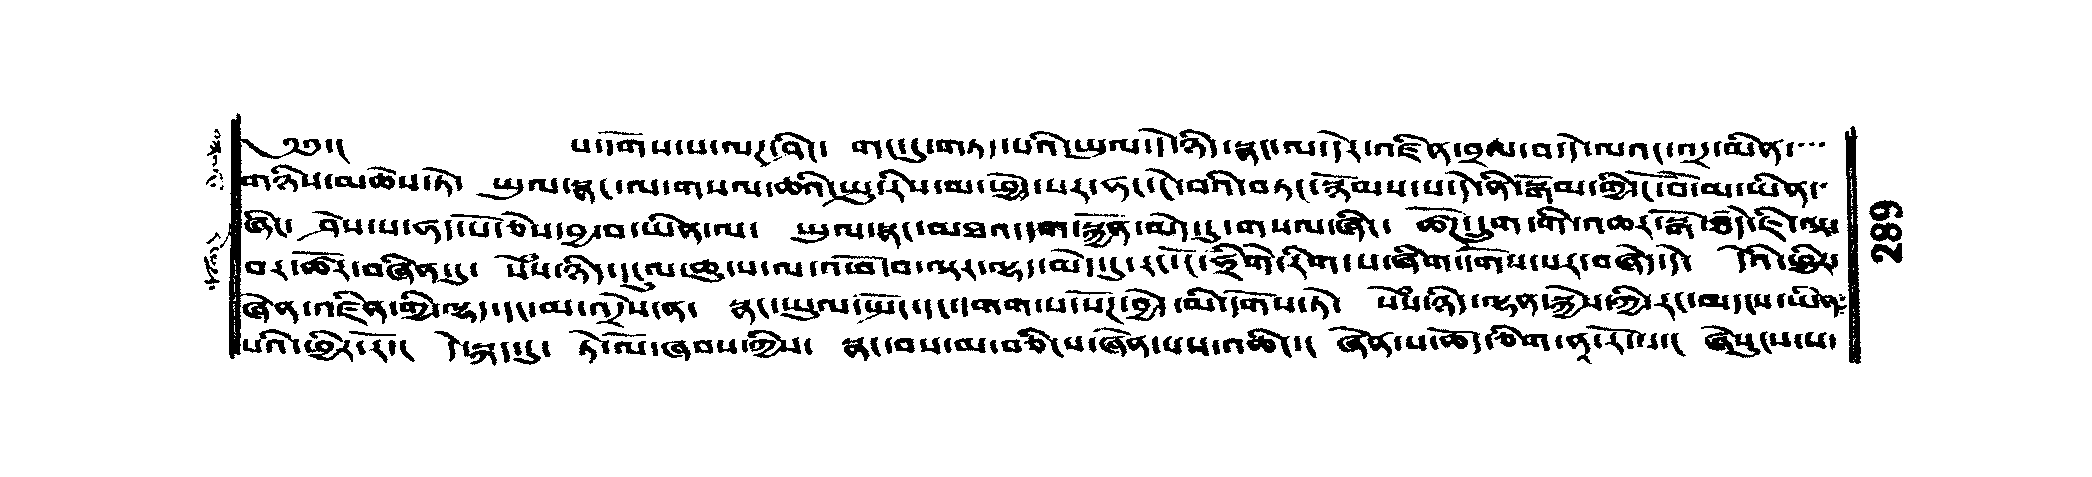དགོས་པ་ལགས་ཤིག། གང་དུ་གཏད་པའི་ཡུལ་དེ་ཉིད་སྣང་ལ་དེར་འཛིན་བྲལ་བ་དེ་ལའང་འདྲ་མིན་
གཉིས་མཆིས་ཏེ། ཡུལ་སྣང་ལ་གསལ་ཆའི་སྤུ་རིས་མ་ཕྱེད་པར་ཧང་ངེ་བའི་བཏང་སྙོམས་པ་དེ་ནི་སྒོམ་གྱི་ངོ་བོ་མ་ཡིན་
ཞིང་། ཤེས་པ་ཧད་པོ་ཞེས་བྱ་བ་ཡིན་ལ། ཡུལ་སྣང་མཐའ་དག་སྐྱོན་མེད་དུ་གསལ་ཞིང་། ཚོགས་དྲུག་གི་འཆར་སྒོ་ཐམས་ཅད་ཇི་ལྟ་
བར་ཚོར་བཞིན་དུ། སེམས་ཉིད་དངུལ་ཆུ་ས་ལ་འཕོ་བ་ལྟར་ལྷད་མེད་དུ་རང་ངོ་ཧྲིག་གེ་རིག་པ་ཞིག་དགོས་པར་བཞེད་དེ། དེའི་ཕྱིར་
ཞེན་འཛིན་གྱི་ལྷད་དང་མ་འདྲེས་ན། སྣང་ཡུལ་སྤང་དང་དགག་པ་སོགས་བྱེད་མི་དགོས་ཏེ། སེམས་ཉིད་ལྷན་སྐྱེས་ཀྱི་རང་མདངས་ཡིན་
པའི་ཕྱིར་རོ། དེ་སྐད་དུ། ཏེ་ལོ་ཞབས་གྱིས། སྣང་བས་མ་བཅིངས་ཞེན་པས་འཆིང་། །ཞེན་པ་ཆོད་ཅིག་ནཱ་རོ་པ། ཞེས་གསུངས་པ་